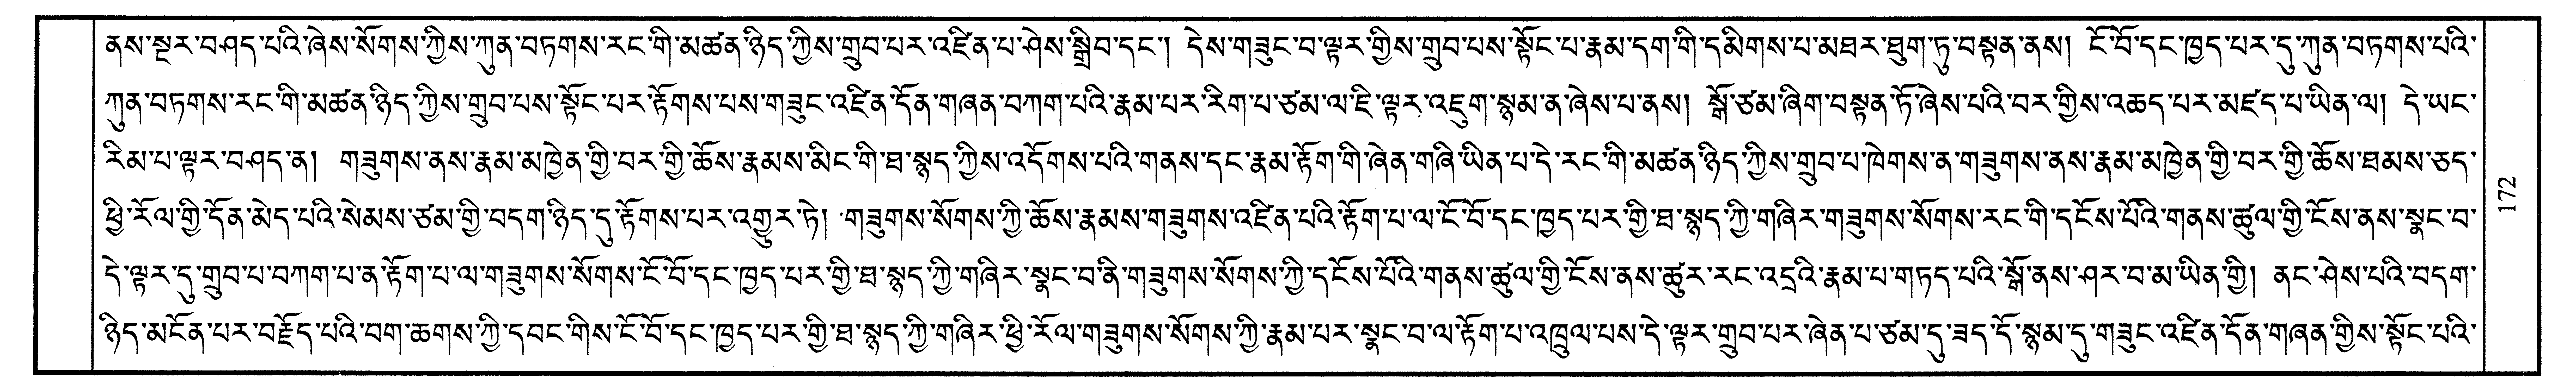ནས་སྔར་བཤད་པའི་ཞེས་སོགས་ཀྱིས་ཀུན་བཏགས་རང་གི་མཚན་ཉིད་ཀྱིས་གྲུབ་པར་འཛིན་པ་ཤེས་སྒྲིབ་དང་། དེས་གཟུང་བ་ལྟར་གྱིས་གྲུབ་པས་སྟོང་པ་རྣམ་དག་གི་དམིགས་པ་མཐར་ཐུག་ཏུ་བསྟན་ནས། ངོ་བོ་དང་ཁྱད་པར་དུ་ཀུན་བཏགས་པའི་
ཀུན་བཏགས་རང་གི་མཚན་ཉིད་ཀྱིས་གྲུབ་པས་སྟོང་པར་རྟོགས་པས་གཟུང་འཛིན་དོན་གཞན་བཀག་པའི་རྣམ་པར་རིག་པ་ཙམ་ལ་ཇི་ལྟར་འཇུག་སྙམ་ན་ཞེས་པ་ནས། སྒོ་ཙམ་ཞིག་བསྟན་ཏོ་ཞེས་པའི་བར་གྱིས་འཆད་པར་མཛད་པ་ཡིན་ལ། དེ་ཡང་
རིམ་པ་ལྟར་བཤད་ན། གཟུགས་ནས་རྣམ་མཁྱེན་གྱི་བར་གྱི་ཆོས་རྣམས་མིང་གི་ཐ་སྙད་ཀྱིས་འདོགས་པའི་གནས་དང་རྣམ་རྟོག་གི་ཞེན་གཞི་ཡིན་པ་དེ་རང་གི་མཚན་ཉིད་ཀྱིས་གྲུབ་པ་ཁེགས་ན་གཟུགས་ནས་རྣམ་མཁྱེན་གྱི་བར་གྱི་ཆོས་ཐམས་ཅད་
ཕྱི་རོལ་གྱི་དོན་མེད་པའི་སེམས་ཙམ་གྱི་བདག་ཉིད་དུ་རྟོགས་པར་འགྱུར་ཏེ། གཟུགས་སོགས་ཀྱི་ཆོས་རྣམས་གཟུགས་འཛིན་པའི་རྟོག་པ་ལ་ངོ་བོ་དང་ཁྱད་པར་གྱི་ཐ་སྙད་ཀྱི་གཞིར་གཟུགས་སོགས་རང་གི་དངོས་པོའི་གནས་ཚུལ་གྱི་ངོས་ནས་སྣང་བ་
དེ་ལྟར་དུ་གྲུབ་པ་བཀག་པ་ན་རྟོག་པ་ལ་གཟུགས་སོགས་ངོ་བོ་དང་ཁྱད་པར་གྱི་ཐ་སྙད་ཀྱི་གཞིར་སྣང་བ་ནི་གཟུགས་སོགས་ཀྱི་དངོས་པོའི་གནས་ཚུལ་གྱི་ངོས་ནས་ཚུར་རང་འདྲའི་རྣམ་པ་གཏད་པའི་སྒོ་ནས་ཤར་བ་མ་ཡིན་གྱི། ནང་ཤེས་པའི་བདག་
ཉིད་མངོན་པར་བརྗོད་པའི་བག་ཆགས་ཀྱི་དབང་གིས་ངོ་བོ་དང་ཁྱད་པར་གྱི་ཐ་སྙད་ཀྱི་གཞིར་ཕྱི་རོལ་གཟུགས་སོགས་ཀྱི་རྣམ་པར་སྣང་བ་ལ་རྟོག་པ་འཁྲུལ་པས་དེ་ལྟར་གྲུབ་པར་ཞེན་པ་ཙམ་དུ་ཟད་དོ་སྙམ་དུ་གཟུང་འཛིན་དོན་གཞན་གྱིས་སྟོང་པའི་